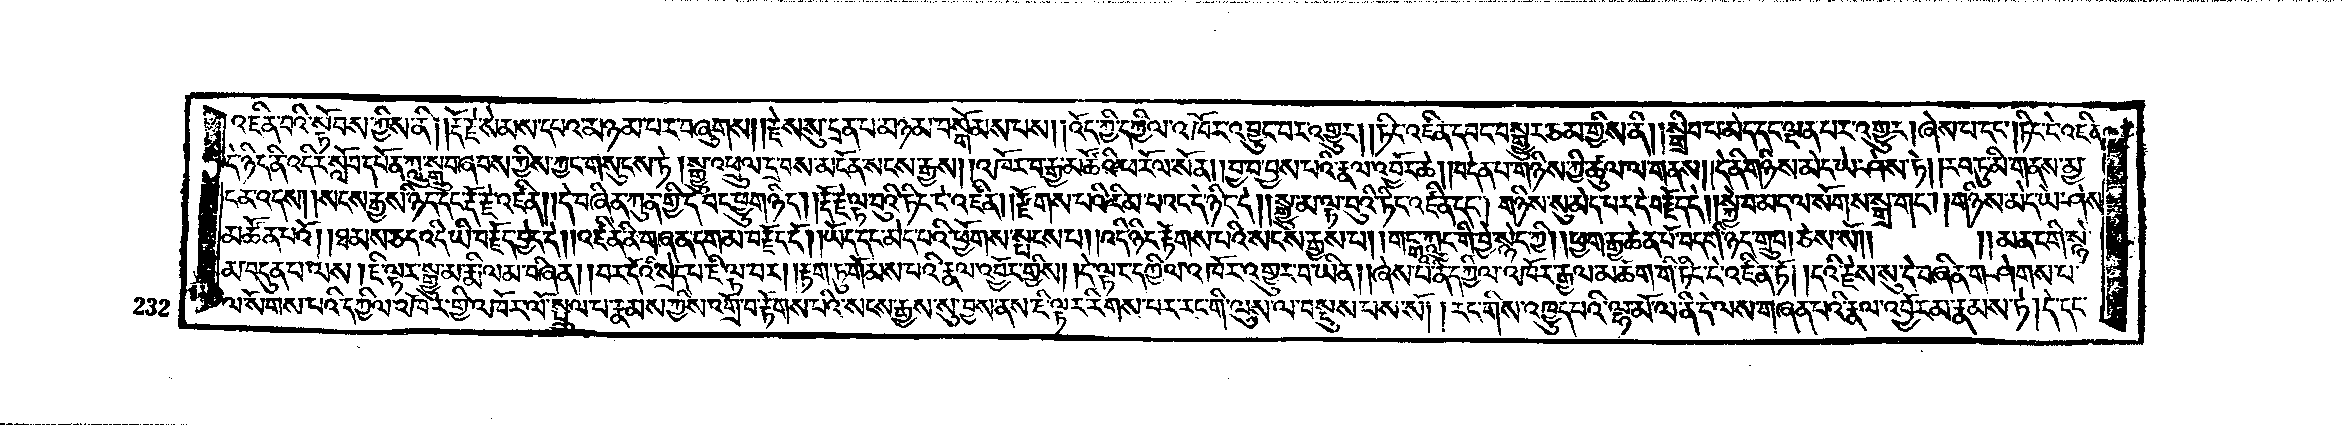འཛིན་པའི་སྟོབས་ཀྱིས་ནི། །རྡོ་རྗེ་སེམས་དཔའ་མཉམ་པར་བཞུགས། །རྗེས་སུ་དྲན་པ་མཉམ་བསྒོམས་པས། །འོད་ཀྱི་དཀྱིལ་འཁོར་འབྱུང་བར་འགྱུར། །ཏིང་འཛིན་དབང་བསྒྱུར་ཙམ་གྱིས་ནི། །སྒྲིབ་པ་མེད་དང་ལྡན་པར་འགྱུར། ཞེས་པ་དང་། ཏིང་ངེ་འཛིན་
དེ་ཉིད་ནི་འདིར་སློབ་དཔོན་ཀླུ་སྒྲུབ་ཞབས་ཀྱིས་ཀྱང་གསུངས་ཏེ། སྒྱུ་འཕྲུལ་དྲ་བས་མངོན་སངས་རྒྱས། །འཁོར་བ་རྒྱ་མཚོའི་ཕ་རོལ་སོན། །བྱ་བ་བྱས་པའི་རྣལ་འབྱོར་ཆེ། །བདེན་པ་གཉིས་ཀྱི་ཚུལ་ལ་གནས། །དེ་ནི་གཉིས་མེད་ཡེ་ཤེས་ཏེ། །རབ་ཏུ་མི་གནས་མྱ་
ངན་འདས། །སངས་རྒྱས་ཉིད་དང་རྡོ་རྗེ་འཛིན། །དེ་བཞིན་ཀུན་གྱི་དབང་ཕྱུག་ཉིད། །རྡོ་རྗེ་ལྟ་བུའི་ཏིང་ངེ་འཛིན། །རྫོགས་པའི་རིམ་པའང་དེ་ཉིད་དེ། །སྒྱུ་མ་ལྟ་བུའི་ཏིང་འཛིན་དང་། །གཉིས་སུ་མེད་པར་དེ་བརྗོད་དེ། །སྐྱེ་བ་མང་ལ་སོགས་སྒྲ་གང་། །གཉིས་མེད་ཡེ་ཤེས་
མཚོན་པའོ། །ཐམས་ཅད་འདི་ཡི་བརྗོད་བྱེད་དེ། །འཛིན་ནི་གཞན་དག་མ་བརྗོད་དོ། །ཡོད་དང་མེད་པའི་ཕྱོགས་སྤངས་པ། །འདི་ཉིད་རྟོགས་པའི་སངས་རྒྱས་པ། །གངྒཱ་ཀླུང་གི་བྱེ་སྙེད་ཀྱི། །ཕྱག་རྒྱ་ཆེན་པོ་བདག་ཉིད་གྲུབ། ཅེས་སོ།། །།མན་ངག་གི་སྙེ་
མ་བདུན་པ་ལས། ཇི་ལྟར་སྒྱུ་མ་རྨི་ལམ་བཞིན། །བར་དོའི་སྲེད་པ་ཇི་ལྟ་བར། །རྟག་ཏུ་གོམས་པའི་རྣལ་འབྱོར་གྱིས། །དེ་ལྟར་དཀྱིལ་འཁོར་འགྱུར་བ་ཡིན། །ཞེས་པ་ནི་དཀྱིལ་འཁོར་རྒྱལ་མཆོག་གི་ཏིང་ངེ་འཛིན་ཏོ། །དའི་རྗེས་སུ་དེ་བཞིན་གཤེགས་པ་
ལ་སོགས་པའི་དཀྱིལ་འཁོར་གྱི་འཁོར་ལོ་སྤྲུལ་པ་རྣམས་ཀྱིས་འགྲོ་བ་རྟོགས་པའི་སངས་རྒྱས་སུ་བྱས་ནས་ཇི་ལྟར་རིགས་པར་རང་གི་ལུས་ལ་བསྡུས་པས་སོ། །རང་གིས་འཁྱུད་པའི་ལྷ་མོ་ལ་ནི་དེ་ལས་གཞན་པའི་རྣལ་འབྱོར་མ་རྣམས་ཏེ། དེ་དང་